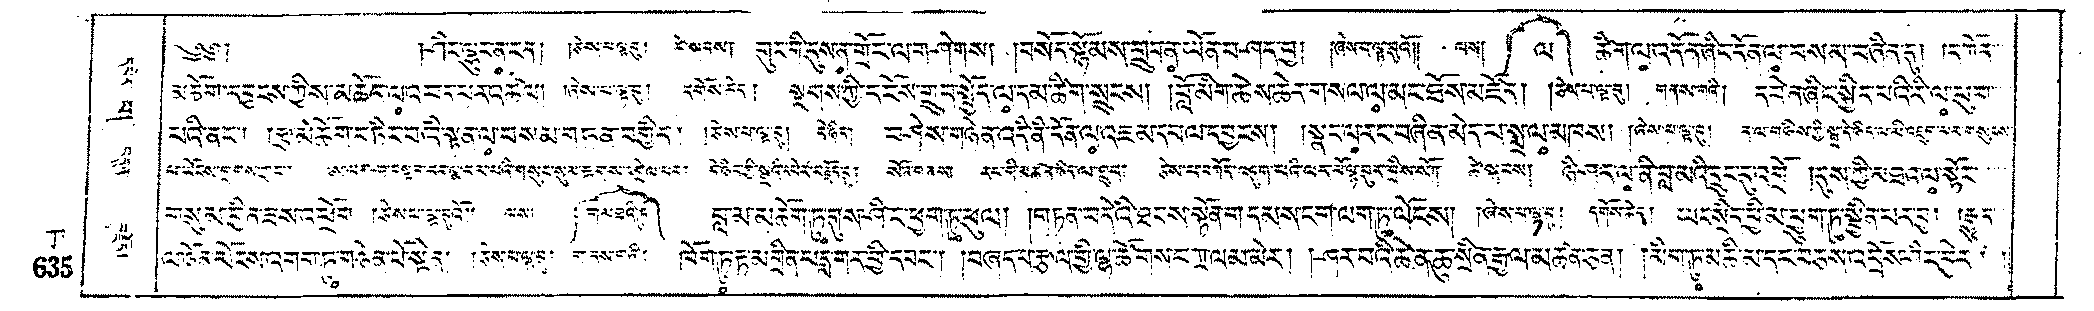༄༅། །ཤིང་ལྷུང་ན྾་ངན། །ཅེས་པ་ལྟ་བུ། ཚེ་སྐབས།  གུང་གི་དུས་ན྾་གྲོང་ལ་གཤེགས། །བསོད་སྙོམས་གྲུབ་ན྾་ཡོན་བཤད་བྱ། །ཞེས་པ་ལྟ་བུའོ།། ལས། ༼ལ༽ ཚིག་ལ྾་འདོན་ཞིང་དོན་ལ྾་བསམ་བཞིན་དུ། །དཀོན་་་
མཆོག་དབྱངས་ཀྱིས་མཆོད་ལ྾་འབད་པར་འཚལ། །ཞེས་པ་ལྟ་བུ། དགོས་ཆེད།  སྔགས་ཀྱི་དངོས་གྲུབ་སྤྱོད་ལ྾་དམ་ཚིག་སྲུངས། །བློ་མིག་ཆེས་ཆེར་གསལ་ལ྾་མང་ཐོས་མཛོད། །ཅེས་པ་ལྟ་བུ། གནས་གཞི།  དབེན་ཞིང་སྐྱིད་པའི་རི་ལ྾་ཕུག་་་
པའི་ནང་། །རྩ་མཆོག་བཏིང་བའི་སྟན་ལ྾་བསམ་གཏན་བགྱིད། །ཅེས་པ་ལྟ་བུ། དེ་ཉིད།  བཤེས་གཉེན་འདི་ནི་དོན་ལ྾་འཇམ་དཔལ་དབྱངས། །སྣང་ལ྾་རང་བཞིན་མེད་པ་སྨྲ་ལ྾་མཁས། །ཞེས་པ་ལྟ་བུ། ན་ལ་གཉིས་ཀྱི་སྒྲ་དེ་ཉིད་ལ་མི་འཇུག་པར་གསུངས་
པ་ཡོངས་གྲགས་ཀྱང་། ཨ་ལག་ཤ་བསྟན་དར་ལྷ་རམ་པའི་གསུང་སུམ་རྟགས་འགྲེལ་པར། དེ་ཉིད་ཀྱི་སྒྲའི་དཔེར་བརྗོད་དུ། སོ་ན་གནས། རང་གི་མཚན་ཉིད་ལ་གྲུབ། ཅེས་པ་བཀོད་འདུག་པའི་ལད་མོ་ལྟ་བུར་བྲིས་སོ།། ཚེ་སྐབས། ཉི་ཤར་ལ྾་ནི་བླ་མའི་དྲུང་དུ་འགྲོ་།དུས་ཀྱི་མཐའ་ལ྾་སྟོང་་་
གསུམ་བྱིན་ཟས་འཕྲོག་།ཅེས་པ་ལྟ་བུའོ།། ལས། ༼ག་མཐའི་ཏུ༽ བླ་མ་མཆོག་ཏུ྾་གུས་ཤིང་ཕྱག་ཏུ྾་ཕུལ། །གཏན་བདེའི་ཐབས་སྟོན་གདམས་ངག་ལག་ཏུ྾་ལོངས། །ཞེས་པ་ལྟ་བུ། དགོས་ཆེད།  ཡང་སྲིད་ཕྱི་མ་ཕྱུག་ཏུ྾་སྦྱིན་པར་བྱ། །རྒྱུད་་་
ལ་ཉོན་མོངས་འགག་ཏུ྾་གཉེན་པོ་སྟེན། །ཅེས་པ་ལྟ་བུ། གནས་གཞི།  ཁོག་ཏུ྾་རྟ་མགྲིན་པདམ་གར་གྱི་དབང་། །བཞད་པ་རྩལ་གྱི་ལྷ་ཚོགས་བཀྲ་ལམ་མེར། །ཤར་བའི་ཚེན་ཆུ་སྲིན་རྒྱལ་མཚན་ཅན། །མིག་ཏུ྾་མཆི་མ་དང་བཅས་འབྲོས་ཤིང་བྱེར། །